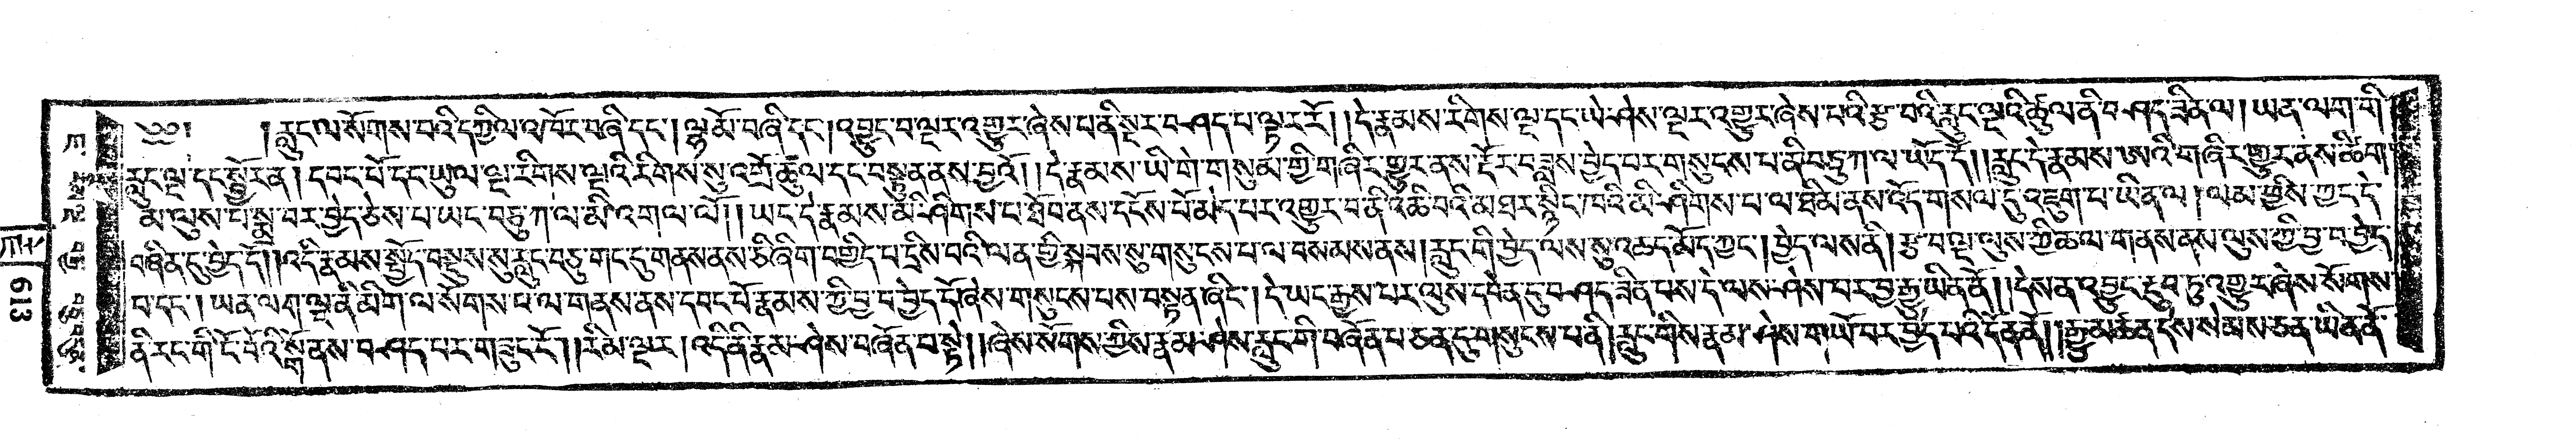༄༅། །རླུང་ལ་སོགས་པའི་དཀྱིལ་འཁོར་བཞི་དང་། ལྷ་མོ་བཞི་དང་། འབྱུང་བ་ལྔར་འགྱུར་ཞེས་པ་ནི་སྔར་བཤད་པ་ལྟར་རོ། །དེ་རྣམས་རིགས་ལྔ་དང་ཡེ་ཤེས་ལྔར་འགྱུར་ཞེས་པའི་རྩ་བའི་རླུང་ལྔའི་ཚུལ་ནི་བཤད་ཟིན་ལ། ཡན་ལག་གི་
རླུང་ལྔ་དང་སྦྱོར་ན། དབང་པོ་དང་ཡུལ་ལྔ་རིགས་ལྔའི་རིགས་སུ་འགྲོ་ཚུལ་དང་བསྟུན་ནས་བྱའོ། །དེ་རྣམས་ཡི་གེ་གསུམ་གྱི་གཞིར་གྱུར་ནས་རྡོར་བཟླས་བྱེད་པར་གསུངས་པ་ནི་བཅུ་ཀ་ལ་ཡོད་དོ། །རླུང་དེ་རྣམས་པའི་གཞིར་གྱུར་ནས་ཚིག་
མ་ལུས་པ་སྨྲ་བར་བྱེད་ཅེས་པ་ཡང་བཅུ་ཀ་ལ་མི་འགལ་ལོ། །ཡང་དེ་རྣམས་མི་ཤིགས་པ་ཐོབ་ནས་དངོས་པོ་མེད་པར་འགྱུར་བ་ནི་འཆི་བའི་མཐར་སྙིང་ཁའི་མི་ཤིགས་པ་ལ་ཐིམ་ནས་འོད་གསལ་དུ་འཇུག་པ་ཡིན་ལ། ལམ་གྱིས་ཀྱང་དེ་
བཞིན་དུ་བྱེད་དོ། །འདི་རྣམས་སྤྱོད་བསྡུས་སུ་རླུང་བཅུ་གང་དུ་གནས་ནས་ཅི་ཞིག་བགྱིད་པ་དྲིས་པའི་ལན་གྱི་སྐབས་སུ་གསུངས་པ་ལ་བསམས་ནས། རླུང་གི་བྱེད་ལས་སུ་འཆད་མོད་ཀྱང་། བྱེད་ལས་ནི། རྩ་བ་ལྔ་ལུས་ཀྱི་ཆ་ལ་གནས་ནས་ལུས་ཀྱི་བྱ་བ་བྱེད་
པ་དང་། ཡན་ལག་ལྔ་ནི་མིག་ལ་སོགས་པ་ལ་གནས་ནས་དབང་པོ་རྣམས་ཀྱི་བྱ་བ་བྱེད་དོ་ཞེས་གསུངས་པས་བསྟན་ཞིང་། དེ་ཡང་རྒྱས་པར་ལུས་དབེན་དུ་བཤད་ཟིན་པས་དེ་ལས་ཤེས་པར་བྱ་རྒྱུ་ཡིན་ནོ། །དེས་ན་འབྱུང་རྔུབ་ཏུ་འགྱུར་ཞེས་སོགས་
ནི་རང་གི་ངོ་བོའི་སྒོ་ནས་བཤད་པར་གཟུང་ངོ། །རིམ་ལྔར། འདི་ནི་རྣམ་ཤེས་བཞོན་པ་སྟེ། །ཞེས་སོགས་ཀྱིས་རྣམ་ཤེས་རླུང་གི་བཞོན་པ་ཅན་དུ་གསུངས་པ་ནི། རླུང་གིས་རྣམ་ཤེས་གཡོ་བར་བྱེད་པའི་དོན་ནི། །རྒྱུ་མཚན་དེས་སེམས་ཅན་ཡིན་ནོ་